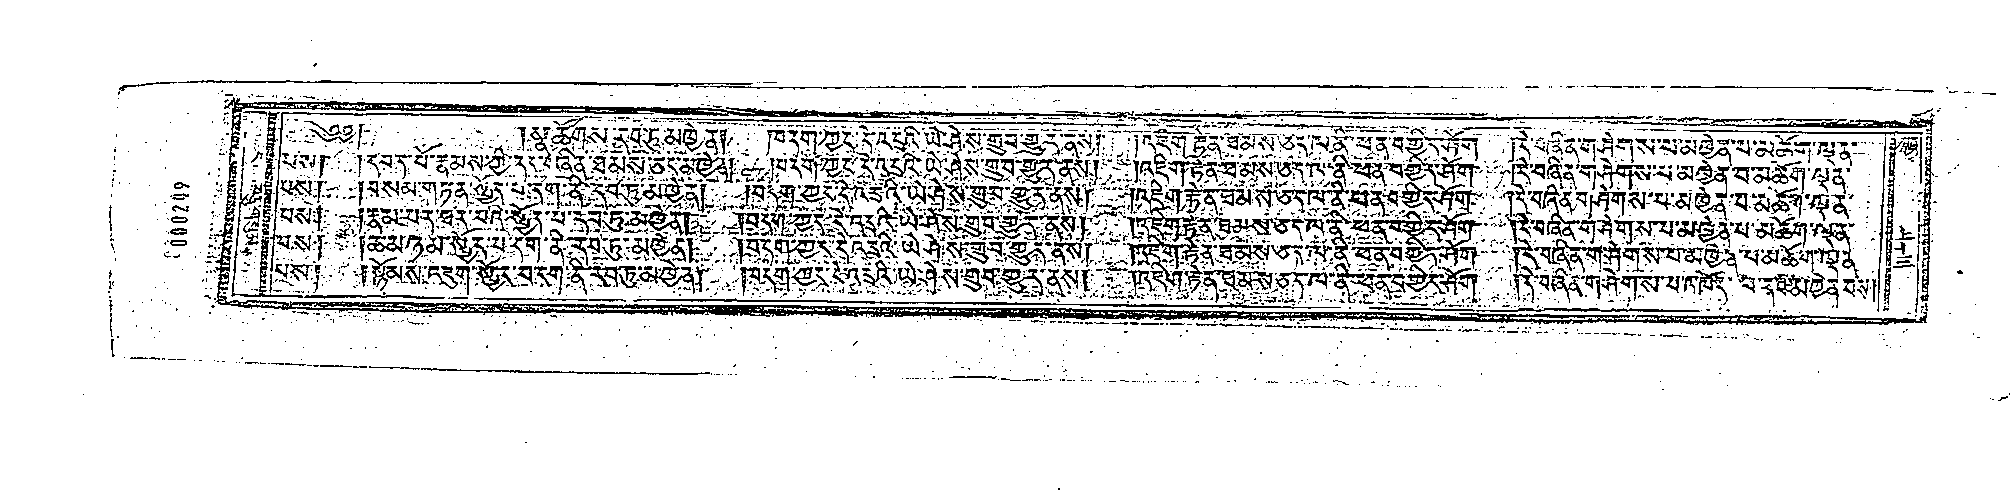༄༅། །སྣ་ཚོགས་རབ་ཏུ་མཁྱེན། །བདག་ཀྱང་དེ་འདྲའི་ཡེ་ཤེས་གྲུབ་གྱུར་ནས། །འཇིག་རྟེན་ཐམས་ཅད་ལ་ནི་ཕན་བགྱིད་ཤོག །དེ་བཞིན་གཤེགས་པ་མཁྱེན་པ་མཆོག་ལྡན་
པས། །དབང་པོ་རྣམས་ཀྱི་རང་བཞིན་ཐམས་ཅད་མཁྱེན། །བདག་ཀྱང་དེ་འདྲའི་ཡེ་ཤེས་གྲུབ་གྱུར་ནས། །འཇིག་རྟེན་ཐམས་ཅད་ལ་ནི་ཕན་བགྱིད་ཤོག །དེ་བཞིན་གཤེགས་པ་མཁྱེན་པ་མཆོག་ལྡན་
པས། །བསམ་གཏན་སྤྱོད་པ་དག་ནི་རབ་ཏུ་མཁྱེན། །བདག་ཀྱང་དེ་འདྲའི་ཡེ་ཤེས་གྲུབ་གྱུར་ནས། །འཇིག་རྟེན་ཐམས་ཅད་ལ་ནི་ཕན་བགྱིད་ཤོག །དེ་བཞིན་གཤེགས་པ་མཁྱེན་པ་མཆོག་ལྡན་
པས། །རྣམ་པར་ཐར་པའི་སྤྱོད་པ་དག་ནི་རབ་ཏུ་མཁྱེན། །བདག་ཀྱང་དེ་འདྲའི་ཡེ་ཤེས་གྲུབ་གྱུར་ནས། །འཇིག་རྟེན་ཐམས་ཅད་ལ་ནི་ཕན་བགྱིད་ཤོག །དེ་བཞིན་གཤེགས་པ་མཁྱེན་པ་མཆོག་ལྡན་
པས། །ཆ་མཉམ་སྤྱོད་པ་དག་ནི་རབ་ཏུ་མཁྱེན། །བདག་ཀྱང་དེ་འདྲའི་ཡེ་ཤེས་གྲུབ་གྱུར་ནས། །འཇིག་རྟེན་ཐམས་ཅད་ལ་ནི་ཕན་བགྱིད་ཤོག །དེ་བཞིན་གཤེགས་པ་མཁྱེན་པ་མཆོག་ལྡན་
པས། །སྙོམས་འཇུག་སྤྱོད་པ་དག་ནི་རབ་ཏུ་མཁྱེན། །བདག་ཀྱང་དེ་འདྲའི་ཡེ་ཤེས་གྲུབ་གྱུར་ནས། །འཇིག་རྟེན་ཐམས་ཅད་ལ་ནི་ཕན་བགྱིད་ཤོག །དེ་བཞིན་གཤེགས་པ་འཁོར་བ་རབ་མཁྱེན་བས།